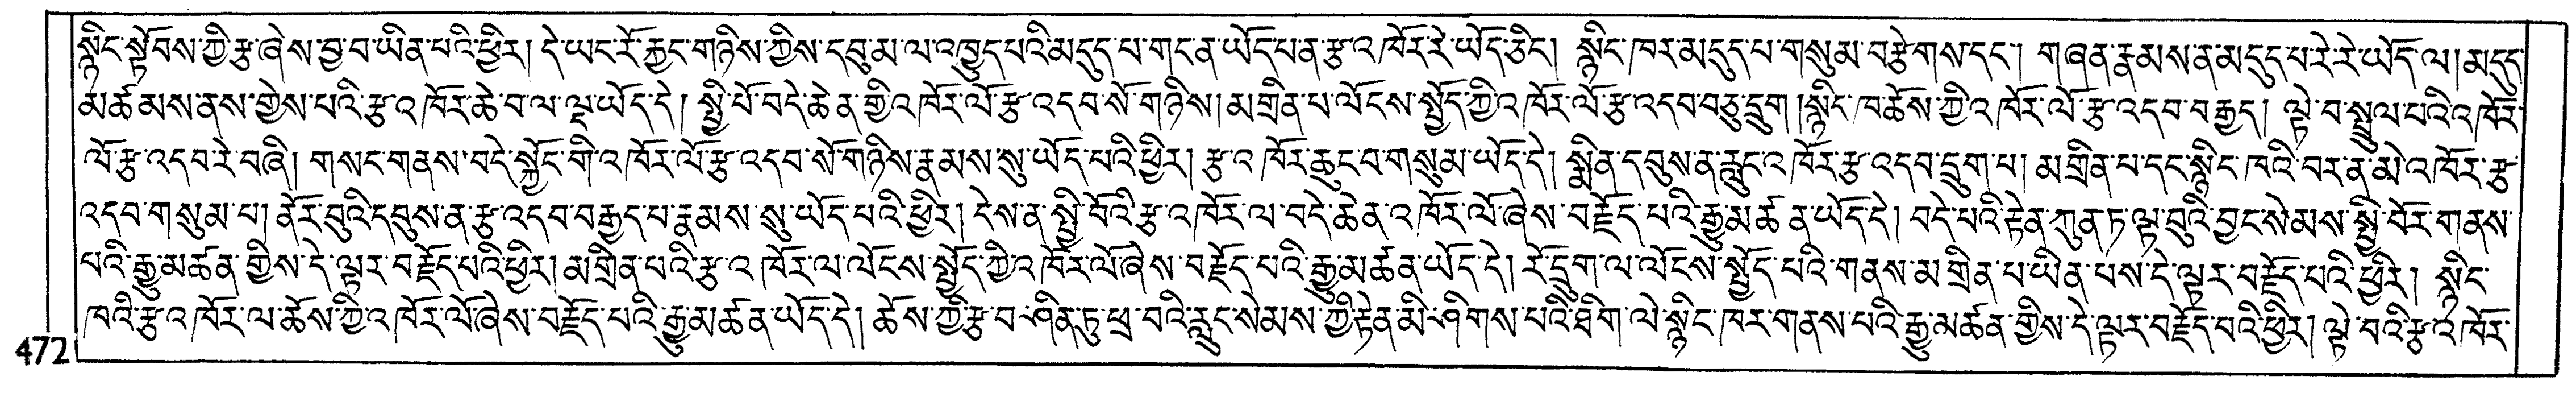སྙིང་སྟོབས་ཀྱི་རྩ་ཞེས་བྱ་བ་ཡིན་པའི་ཕྱིར། དེ་ཡང་རོ་རྐྱང་གཉིས་ཀྱིས་དབུ་མ་ལ་འཁྱུད་པའི་མདུད་པ་གང་ན་ཡོད་པ་ན་རྩ་འཁོར་རེ་ཡོད་ཅིང་། སྙིང་ཁར་མདུད་པ་གསུམ་བརྩེགས་དང་། གཞན་རྣམས་ན་མདུད་པ་རེ་རེ་ཡོད་ལ། མདུད་
མཚམས་ནས་གྱེས་པའི་རྩ་འཁོར་ཆེ་བ་ལ་ལྔ་ཡོད་དེ། སྤྱི་བོ་བདེ་ཆེན་གྱི་འཁོར་ལོ་རྩ་འདབ་སོ་གཉིས། མགྲིན་པ་ལོངས་སྤྱོད་ཀྱི་འཁོར་ལོ་རྩ་འདབ་བཅུ་དྲུག །སྙིང་ཁ་ཆོས་ཀྱི་འཁོར་ལོ་རྩ་འདབ་བརྒྱད། ལྟེ་བ་སྤྲུལ་པའི་འཁོར་
ལོ་རྩ་འདབ་རེ་བཞི། གསང་གནས་བདེ་སྐྱོང་གི་འཁོར་ལོ་རྩ་འདབ་སོ་གཉིས་རྣམས་སུ་ཡོད་པའི་ཕྱིར། རྩ་འཁོར་ཆུང་བ་གསུམ་ཡོད་དེ། སྨིན་དབུས་ན་རླུང་འཁོར་རྩ་འདབ་དྲུག་པ། མགྲིན་པ་དང་སྙིང་ཁའི་བར་ན་མེ་འཁོར་རྩ་
འདབ་གསུམ་པ། ནོར་བུའི་དབུས་ན་རྩ་འདབ་བརྒྱད་པ་རྣམས་སུ་ཡོད་པའི་ཕྱིར། དེས་ན་སྤྱི་བོའི་རྩ་འཁོར་ལ་བདེ་ཆེན་འཁོར་ལོ་ཞེས་བརྗོད་པའི་རྒྱུ་མཚན་ཡོད་དེ། བདེ་བའི་རྟེན་ཀུན་ཏ་ལྟ་བུའི་བྱང་སེམས་སྤྱི་བོར་གནས་
པའི་རྒྱུ་མཚན་གྱིས་དེ་ལྟར་བརྗོད་པའི་ཕྱིར། མགྲིན་པའི་རྩ་འཁོར་ལ་ལོངས་སྤྱོད་ཀྱི་འཁོར་ལོ་ཞེས་བརྗོད་པའི་རྒྱུ་མཚན་ཡོད་དེ། རོ་དྲུག་ལ་ལོངས་སྤྱོད་པའི་གནས་མགྲིན་པ་ཡིན་པས་དེ་ལྟར་བརྗོད་པའི་ཕྱིར། སྙིང་
ཁའི་རྩ་འཁོར་ལ་ཆོས་ཀྱི་འཁོར་ལོ་ཞེས་བརྗོད་པའི་རྒྱུ་མཚན་ཡོད་དེ། ཆོས་ཀྱི་རྩ་བ་ཤིན་ཏུ་ཕྲ་བའི་རླུང་སེམས་ཀྱི་རྟེན་མི་ཤིགས་པའི་ཐིག་ལེ་སྙིང་ཁར་གནས་པའི་རྒྱུ་མཚན་གྱིས་དེ་ལྟར་བརྗོད་པའི་ཕྱིར། ལྟེ་བའི་རྩ་འཁོར་